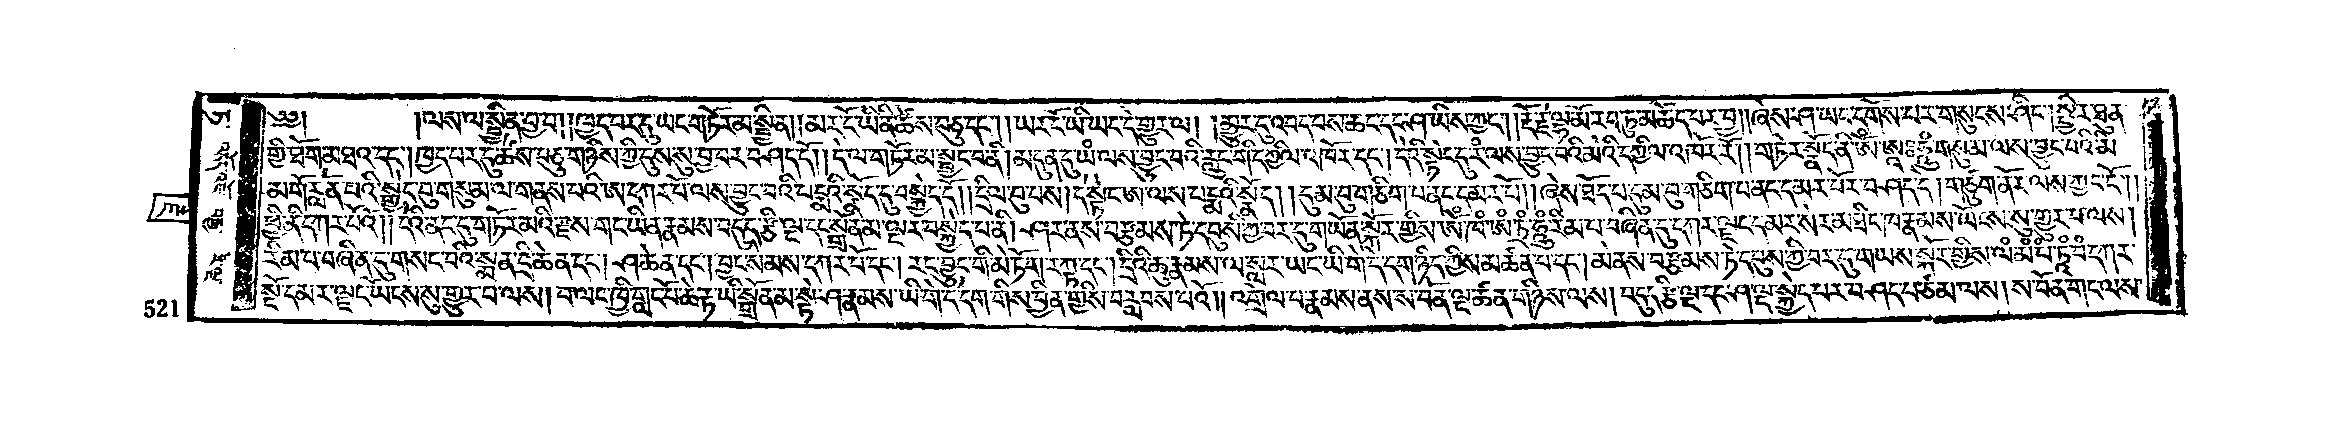༄༅། །ལས་ལ་སྦྱིན་བྱ་བ། །ཁྱད་པར་དུ་ཡང་གཏོར་མ་སྦྱིན། །མར་ངོ་ཡི་ནི་ཚེས་བཅུ་དང་། །ཡར་ངོ་ཡི་ཡང་དེ་གྱུར་ལ། །མྱུར་དུ་འབད་པས་ཆང་དང་ཤ་ཡིས་ཀྱང་། །རྡོ་རྗེ་ལྷ་མོ་རབ་ཏུ་མཆོད་པར་བྱ། །ཞེས་ཤ་ཡང་དགོས་པར་གསུངས་ཤིང་། སྤྱིར་ཐུན་
གྱི་ཐོག་མཐའ་དང་། ཁྱད་པར་དུ་ཚེས་བཅུ་གཉིས་ཀྱི་དུས་སུ་བྱ་བར་བཤད་དོ། །དེ་ལ་གཏོར་མ་སྦྱང་བ་ནི། མདུན་དུ་ཡཾ་ལས་བྱུང་བའི་རླུང་གི་དཀྱིལ་འཁོར་དང་། དེའི་སྟེང་དུ་རཾ་ལས་བྱུང་བའི་མེའི་དཀྱིལ་འཁོར་རོ། །གཏེར་སྣོད་ནི་ཨོཾ་ཨཱཿ ཧཱུཾ་གསུམ་ལས་བྱུང་བའི་མི་
མགོ་རློན་པའི་སྒྱེད་བུ་གསུམ་ལ་གནས་པའི་ཨ་དཀར་པོ་ལས་བྱུང་བའི་པདམའི་སྣོད་དུ་བསྐྱེད་དོ། །དྲིལ་བུ་པས། དེ་སྟེང་ཨ་ལས་པདམའི་སྣོད། །དུམ་བུ་གཅིག་པ་ནང་དམར་པོ། །ཞེས་ཐོད་པ་དུམ་བུ་གཅིག་པ་ནང་དམར་པོར་བཤད་དེ། གཙུག་ནོར་ལས་ཀྱང་ངོ། །
ཕྱི་ནི་དཀར་པོའོ། །དེའི་ནང་དུ་གཏོར་མའི་རྫས་གང་ཡིན་རྣམས་བདུད་རྩི་ལྔ་དང་སྒྲོན་མ་ལྔར་བསྐྱེད་པ་ནི། ཤར་ནས་བརྩམས་ཏེ་དབུས་ཀྱི་བར་དུ་གཡོན་སྐོར་གྱིས་ཨོཾ་ཁཾ་ཨཾ་ཏྲཾ་ཧཱུཾ་རིམ་པ་བཞིན་དུ་དཀར་ལྗང་དམར་སེར་མཐིང་ཁ་རྣམས་ཡོངས་སུ་གྱུར་པ་ལས།
རིམ་པ་བཞིན་དུ་གསང་པའི་སྨན་དྲི་ཆེན་དང་། ཤ་ཆེན་དང་། བྱང་སེམས་དཀར་པོ་དང་། རང་བྱུང་གི་མེ་ཏོག་རཀྟ་དང་། དྲིའི་ཆུ་རྣམས་ལ་སླར་ཡང་ཡི་གེ་དེ་དག་ཉིད་ཀྱིས་མཚན་པ་དང་། མེ་ནས་བརྩམས་ཏེ་དབུས་ཀྱི་བར་དུ་གཡས་སྐོར་གྱིས་ལཾ་མཾ་པཾ་ཏཱཾ་བཾ་དཀར་
སྔོ་དམར་ལྗང་ཡོངས་སུ་གྱུར་པ་ལས། བ་ལང་ཁྱི་གླང་པོ་ཆེ་རྟ་ཡི་སྒྲོན་མ་སྟེ་ཤ་རྣམས་ཡི་གེ་དེ་དག་གིས་བྱིན་གྱིས་བརླབས་པའོ། །འགྲེལ་པ་རྣམས་ནས་ས་བོན་ལྔ་ཚན་གཉིས་ལས། བདུད་རྩི་ལྔ་དང་ཤ་ལྔ་སྐྱེད་པར་བཤད་པ་ཙམ་ལས། ས་བོན་གང་ལས་